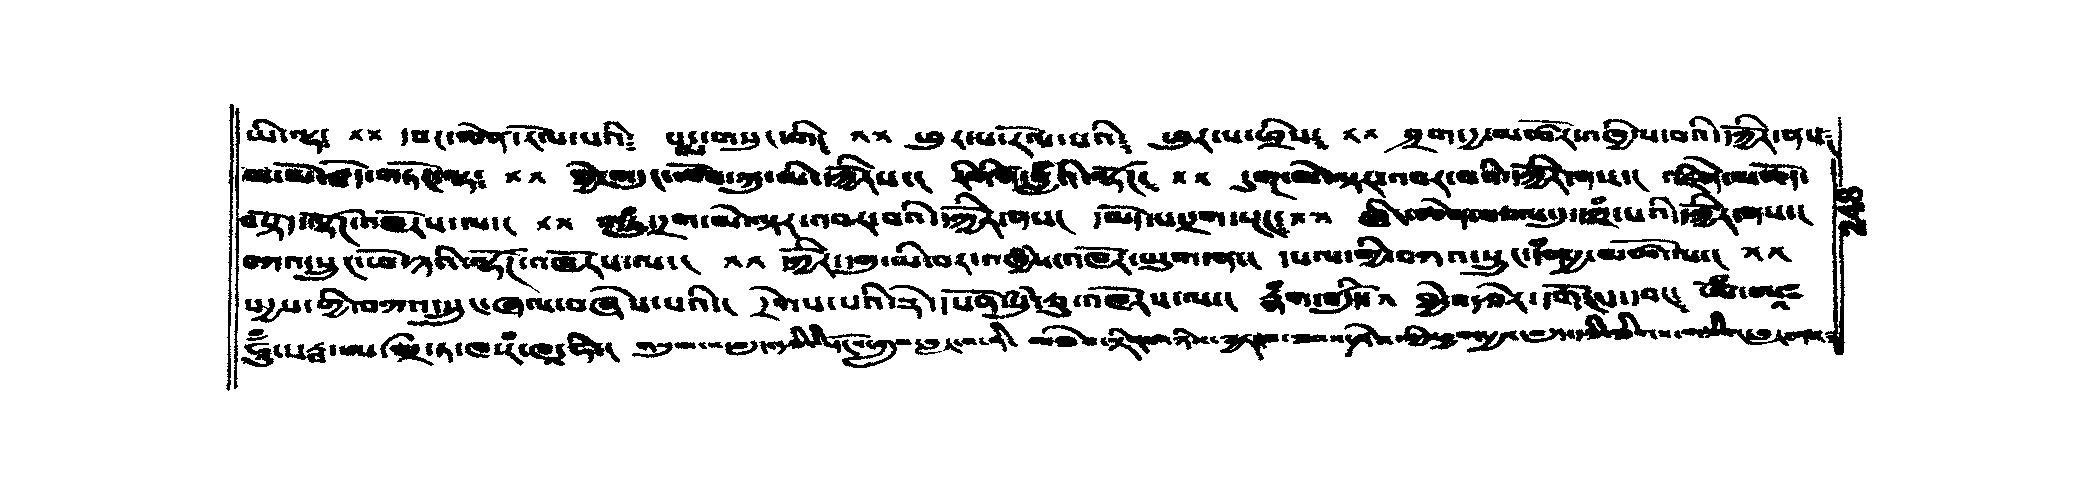ཡི་ལྷ་༴ དབང་ཆེན་རོལ་པའི་༴ པདྨ་གསུང་གི་༴ ཕུར་པ་རོལ་པའི་༴ ཕུར་པ་ཕྲིན་ལས་༴ ཤ་ཁྲག་རྒྱ་མཚོར་འཁྱིལ་བའི་དཀྱིལ་འཁོར་ནས། །
མ་མོ་རྦོད་གཏོང་ལྷ་༴ ཐུགས་རྗེ་གདུང་ཆོས་སྐུ་ཡི་དཀྱིལ་འཁོར་ནས། །རིག་འཛིན་བླ་མའི་ལྷ་ཚོགས་༴ དུག་ལྔ་མེ་ལྟར་འབར་བའི་དཀྱིལ་འཁོར་ནས། །འཇིག་རྟེན་མཆོད་
བསྟོད་ལྷ་ཚོགས་འཁོར་བཅས་ལ། །༴ ༴ གཏུམ་དྲག་མེ་ལྟར་འབར་བའི་དཀྱིལ་འཁོར་ནས། །དམོད་པ་དྲག་སྔགས་༴ ཞིང་ཆེན་བཅལ་དུ་དཀྲམ་པའི་དཀྱིལ་འཁོར་ནས། །
བཀའ་སྲུང་ཕོ་ཉའི་ལྷ་ཚོགས་འཁོར་བཅས་ལ། །༴ ༴ དཀྱིལ་འཁོར་དགུ་ཡི་བར་འཁྱམས་འཁོར་ཡུག་ན། །དཔལ་གྱི་བཀའ་སྲུང་དམ་ཅན་རྒྱ་མཚོ་ལ། ། ༴ ༴ 
སངས་རྒྱས་ཀྱི་བཀའ་སྲུང་ཞལ་བཞེས་པའི། །དྲེགས་པའི་སྡེ་དཔོན་སུམ་ཅུ་འཁོར་བཅས་ལ། །རྣམ་དག་བདུད་རྩི་༴ ཐུགས་རྗེ་བརྩེར་དགོངས་དབང་༴ ཨོཾ་ཨཱཿ
ཧཱུྃ་སརྦ་ཨ་མྲྀ་ཏ་ཁ་རྃ་ཁཱ་ཧི།མཐེབ་སྲིན་གཉིས་སྦྱར་བ་ཐབས་ཤེས་ཀྱི་ཕྱག་རྒྱས་བདུད་རྩི་ཐིགས་པ་གཅིག་བླང་ནས་